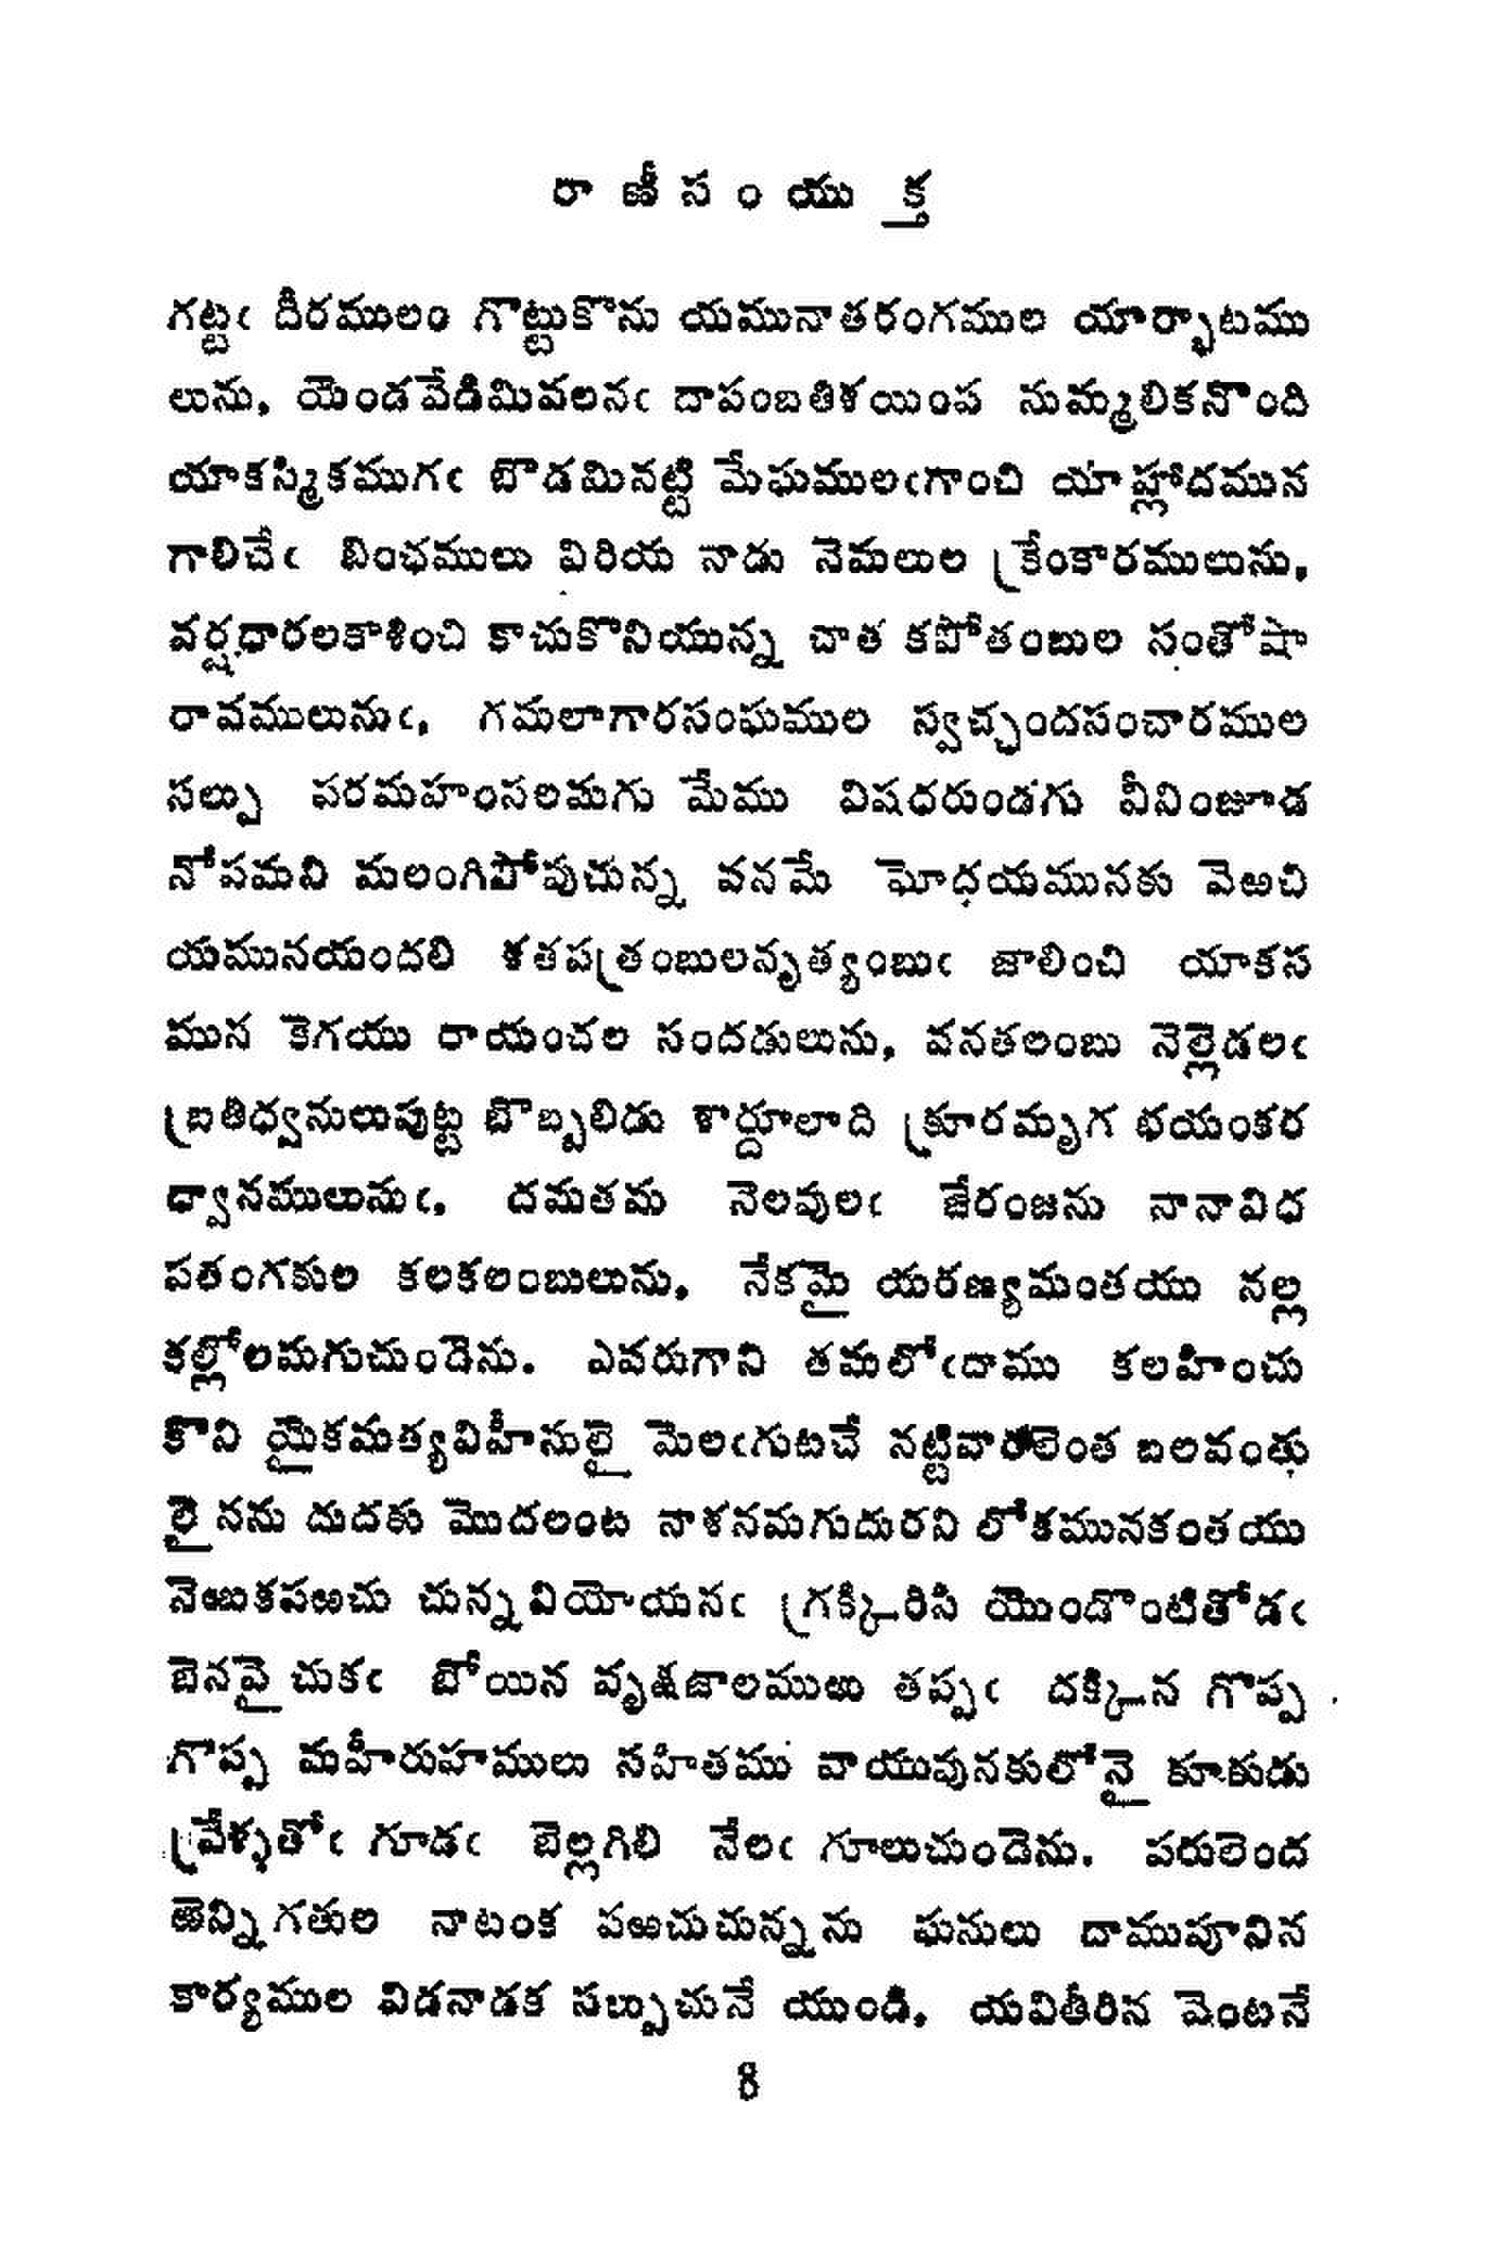గట్టఁ దీరములం గొట్టుకొను యమునాతరంగముల యార్భాటములును, యెండవేడిమివలనఁ దాపంబతిశయింప నుమ్మలికనొంది యాకస్మికముగఁ బొడమినట్టి మేఘములఁగాంచి యాహ్లాదమున గాలిచేఁ బింఛములు విరియ నాడు నెమలుల క్రేంకారములును, వర్షధారలకాశించి కాచుకొనియున్న చాత కపోతంబుల సంతోషారావములునుఁ, గమలాగారసంఘముల స్వచ్ఛందసంచారముల సల్పు పరమహంసలమగు మేము విషధరుండగు వీనింజూడ నోపమని మలంగిపోవుచున్న వనమే ఘోధయమునకు వెఱచి యమునయందలి శతపత్రంబులనృత్యంబుఁ జాలించి యాకసమున కెగయు రాయంచల సందడులును, వనతలంబు నెల్లెడలఁ బ్రతిధ్వనులుపుట్ట బొబ్బలిడు శార్దూలాది క్రూరమృగ భయంకర ధ్వానములునుఁ, దమతమ నెలవులఁ జేరంజను నానావిధ పతంగకుల కలకలంబులును, నేకమై యరణ్యమంతయు నల్లకల్లోలమగుచుండెను. ఎవరుగాని తమలోఁదాము కలహించుకొని యైకమత్యవిహీనులై మెలఁగుటచే నట్టివారలెంత బలవంతులైనను దుదకు మొదలంట నాశనమగుదురని లోకమునకంతయు నెఱుకపఱచు చున్నవియోయనఁ గ్రక్కిరిసి యొండొంటితోడఁ బెనవైచుకఁ బోయిన వృక్షజాలములు తప్పఁ దక్కిన గొప్ప గొప్ప మహీరుహములు సహితము వాయువునకులోనై కూకుడు వేళ్ళతోఁ గూడఁ బెల్లగిలి నేలఁ గూలుచుండెను. పరులెందఱెన్నిగతుల నాటంక పఱచుచున్నను ఘనులు దాముపూనిన కార్యముల విడనాడక సల్పుచునే యుండి, యవితీరిన వెంటనే